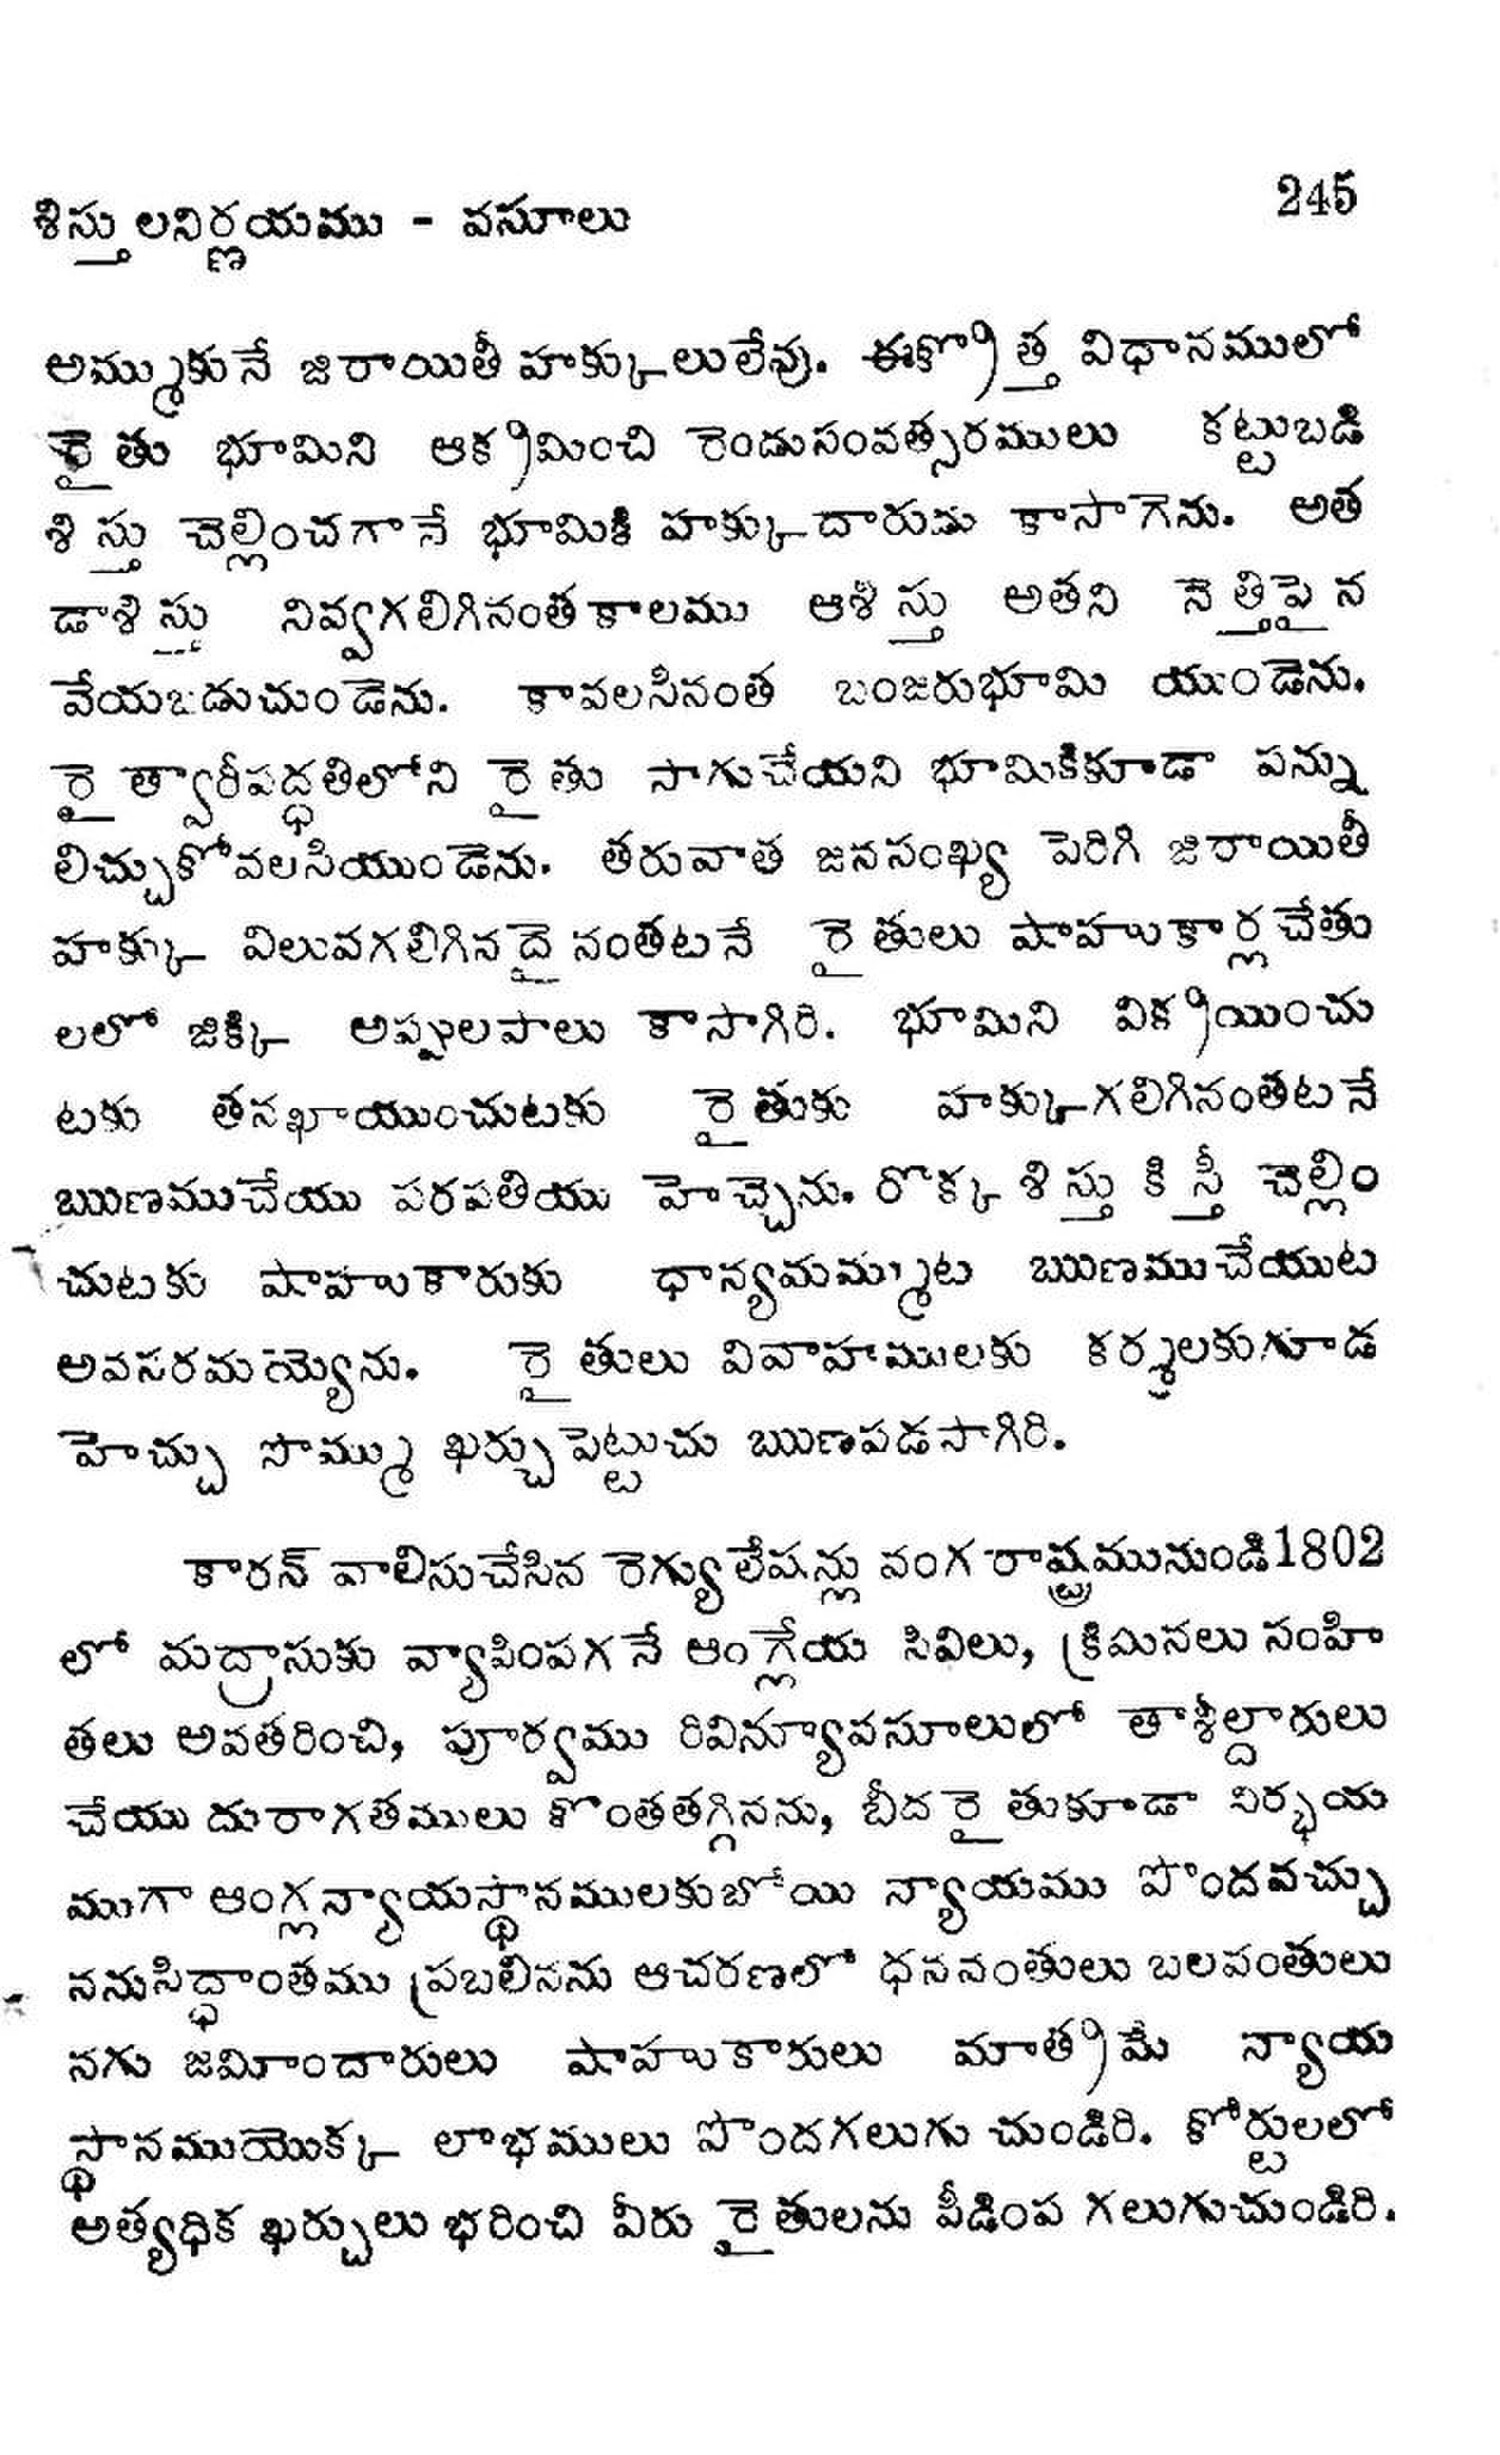అమ్ముకునే జిరాయితీ హక్కులులేవు. ఈక్రొత్త విధానములో రైతు భూమిని ఆక్రమించి రెండుసంవత్సరములు కట్టుబడి శిస్తు చెల్లించగానే భూమికి హక్కుదారుడు కాసాగెను. అతడాశిస్తు నివ్వగలిగినంతకాలము ఆశిస్తు అతని నెత్తిపైన వేయబడుచుండెను. కావలసినంత బంజరుభూమి యుండెను. రైత్వారీపద్దతిలోని రైతు సాగుచేయని భూమికికూడా పన్ను లిచ్చుకోవలసియుండెను. తరువాత జనసంఖ్య పెరిగి జిరాయితీ హక్కు విలువగలిగినదై నంతటనే రైతులు షాహుకార్లచేతులలో జిక్కి అప్పులపాలు కాసాగిరి. భూమిని విక్రయించుటకు తనఖాయుంచుటకు రైతుకు హక్కుగలిగినంతటనే ఋణముచేయు పరపతియు హెచ్చెను. రొక్క శిస్తు కిస్తీ చెల్లించుటకు షాహుకారుకు ధాన్యమమ్ముట ఋణముచేయుట అవసరమయ్యెను. రైతులు వివాహములకు కర్మలకుగూడ హెచ్చు సొమ్ము ఖర్చుపెట్టుచు ఋణపడసాగిరి.

కారన్ వాలిసుచేసిన రెగ్యులేషన్లు వంగరాష్ట్రమునుండి 1802 లో మద్రాసుకు వ్యాపింపగనే ఆంగ్లేయ సివిలు, క్రిమినలు సంహితలు అవతరించి, పూర్వము రివిన్యూవసూలులో తాశీల్దారులు చేయు దురాగతములు కొంతతగ్గినను, బీదరైతుకూడా నిర్భయముగా ఆంగ్లన్యాయస్థానములకుబోయి న్యాయము పొందవచ్చు ననుసిద్ధాంతము ప్రబలినను ఆచరణలో ధననంతులు బలపంతులునగు జమీందారులు షాహుకారులు మాత్రమే న్యాయస్థానముయొక్క లాభములు పొందగలుగు చుండిరి. కోర్టులలో అత్యధిక ఖర్చులు భరించి వీరు రైతులను పీడింప గలుగుచుండిరి.